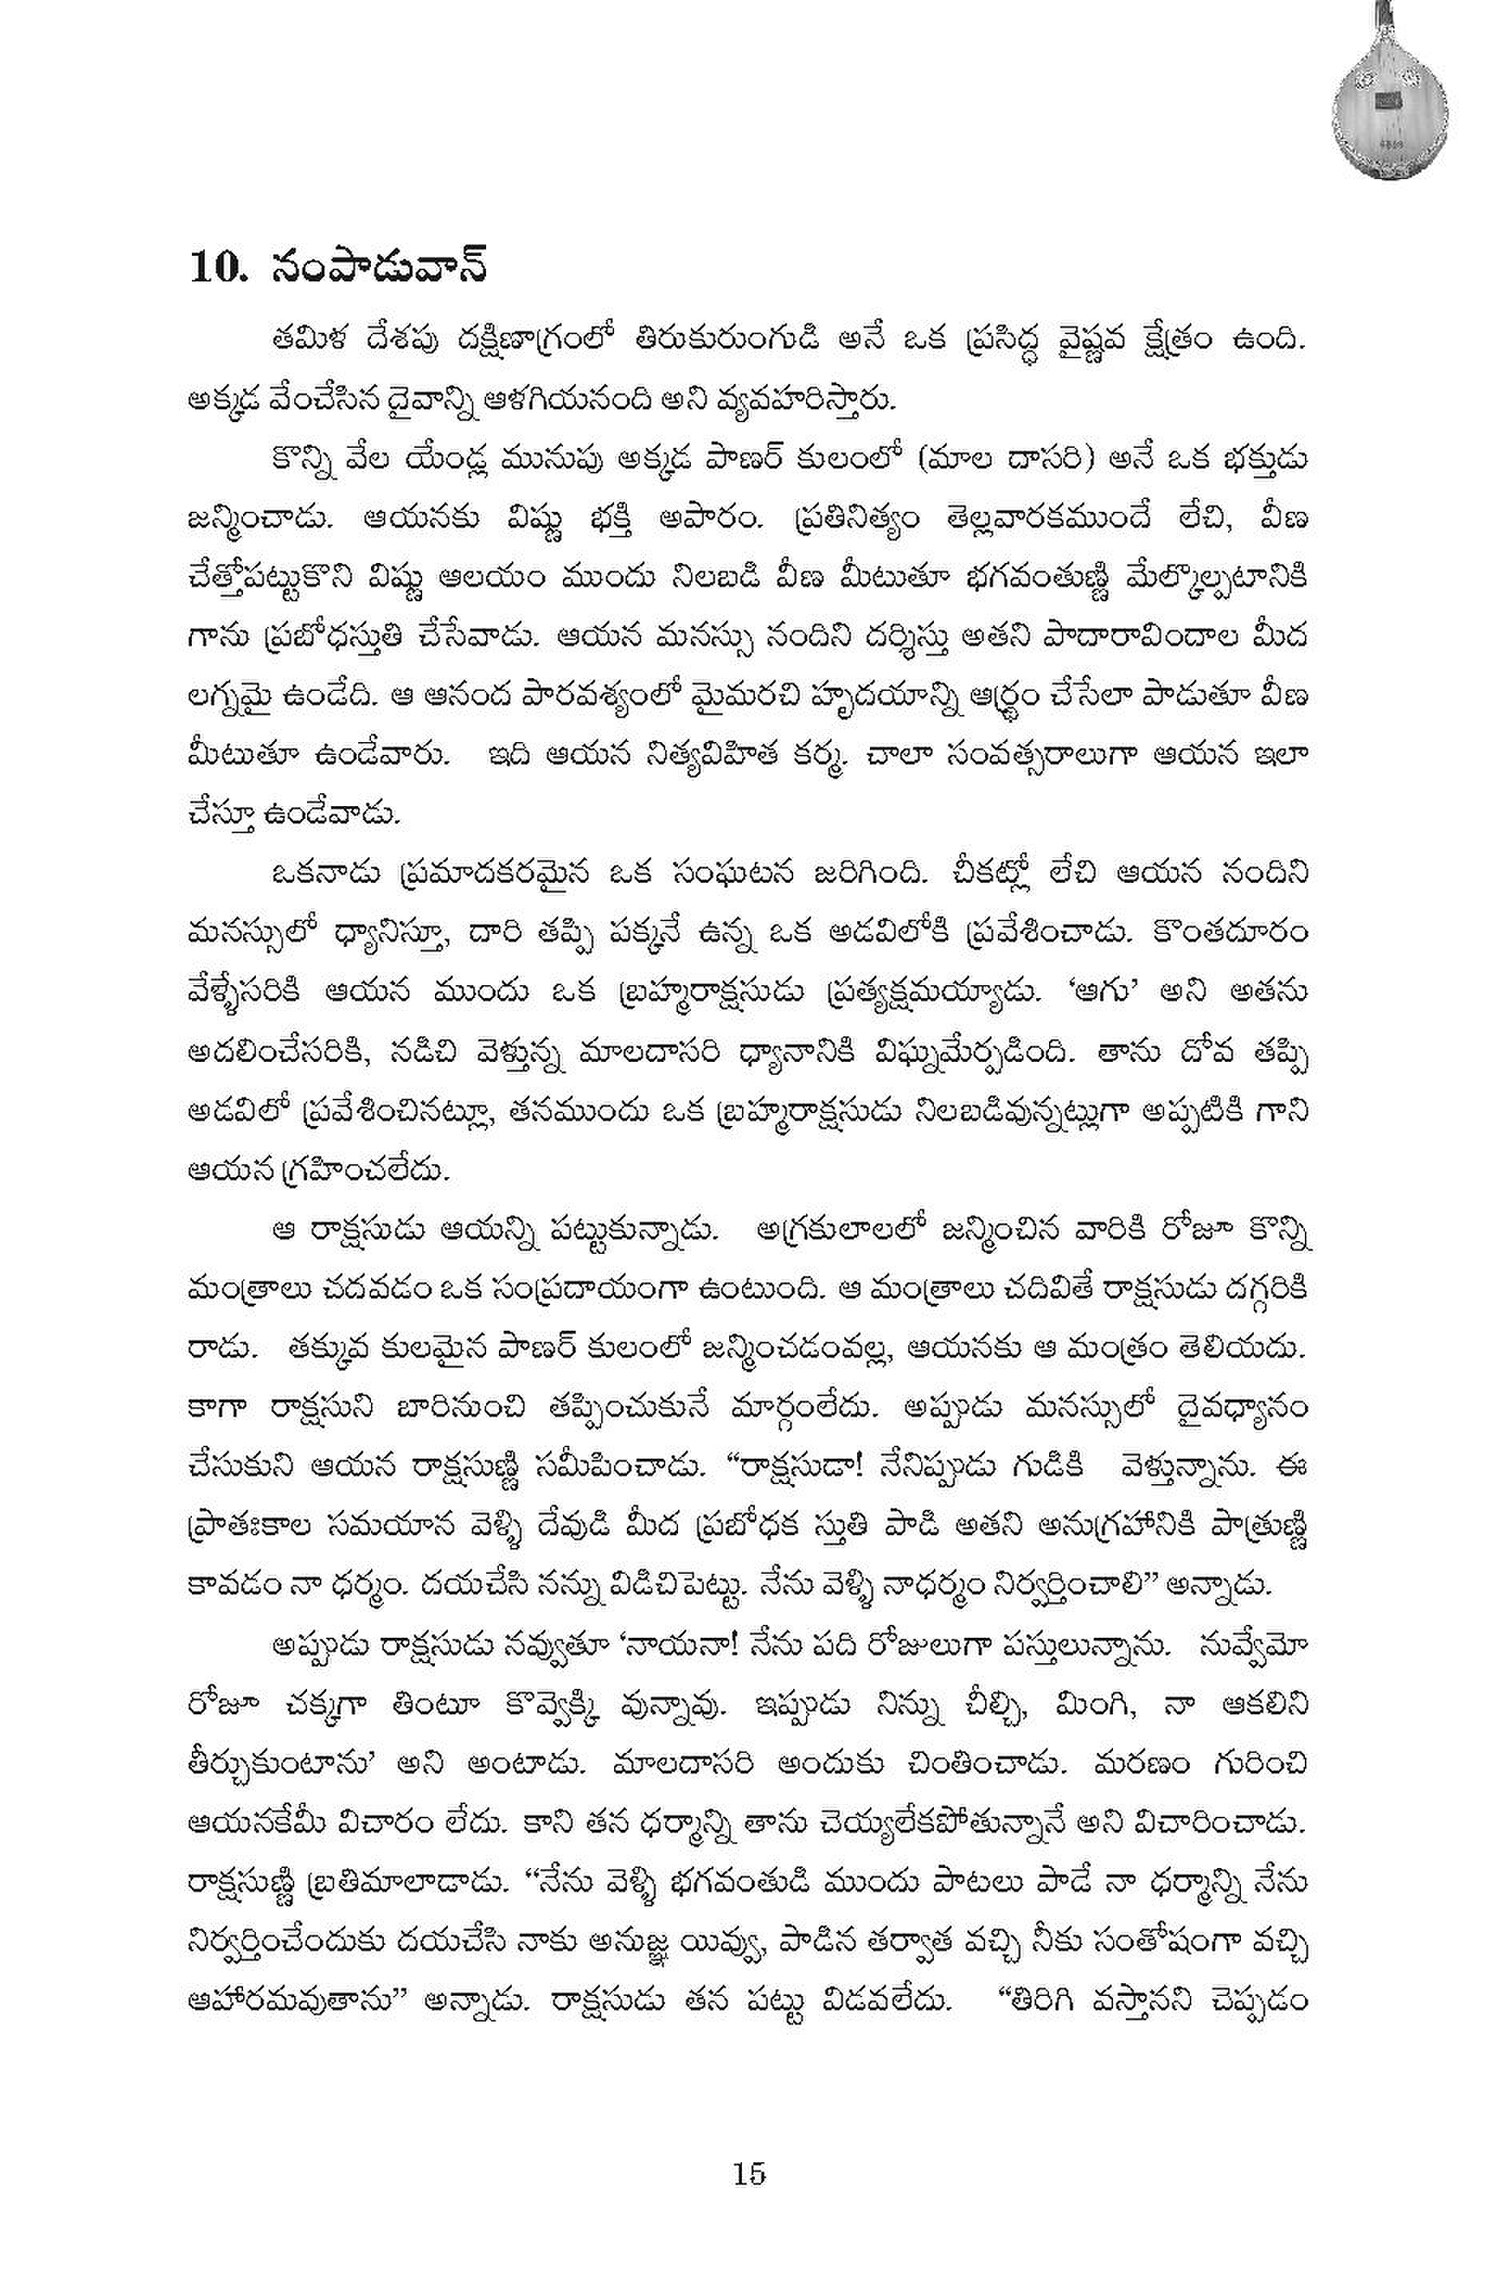10. నంపాడువాన్ 

తమిళ దేశపు దక్షిణాగ్రంలో తిరుకురుంగుడి అనే ఒక ప్రసిద్ధ వైష్ణవ క్షేత్రం ఉంది. అక్కడ వేంచేసిన దైవాన్ని ఆళగియనంది అని వ్యవహరిస్తారు.

కొన్ని వేల యేండ్ల మునుపు అక్కడ పాణర్ కులంలో (మాల దాసరి) అనే ఒక భక్తుడు జన్మించాడు. ఆయనకు విష్ణు భక్తి అపారం. ప్రతినిత్యం తెల్లవారకముందే లేచి, వీణ చేత్తోపట్టుకొని విష్ణు ఆలయం ముందు నిలబడి వీణ మీటుతూ భగవంతుణ్ణి మేల్కొల్పటానికి గాను ప్రబోధస్తుతి చేసేవాడు. ఆయన మనస్సు నందిని దర్శిస్తు అతని పాదారవిందాల మీద
లగ్నమై ఉండేది. ఆ ఆనంద పారవశ్యంలో మైమరచి హృదయాన్ని అర్థం చేసేలా పాడుతూ వీణ మీటుతూ ఉండేవారు. ఇది ఆయన నిత్యవిహిత కర్మ. చాలా సంవత్సరాలుగా ఆయన ఇలా చేస్తూ ఉండేవాడు.

ఒకనాడు ప్రమాదకరమైన ఒక సంఘటన జరిగింది. చీకట్లో లేచి ఆయన నందిని మనస్సులో ధ్యానిస్తూ, దారి తప్పి పక్కనే ఉన్న ఒక అడవిలోకి ప్రవేశించాడు. కొంతదూరం వెళ్ళేసరికి ఆయన ముందు ఒక బ్రహ్మరాక్షసుడు ప్రత్యక్షమయ్యాడు. 'ఆగు' అని అతను అదలించేసరికి, నడిచి వెళ్తున్న మాలదాసరి ధ్యానానికి విఘ్నమేర్పడింది. తాను దోవ తప్పి అడవిలో ప్రవేశించినట్లు, తనముందు ఒక బ్రహ్మరాక్షసుడు నిలబడివున్నట్లుగా అప్పటికి గాని ఆయన గ్రహించలేదు.

ఆ రాక్షసుడు ఆయన్ని పట్టుకున్నాడు. అగ్రకులాలలో జన్మించిన వారికి రోజూ కొన్ని మంత్రాలు చదవడం ఒక సంప్రదాయంగా ఉంటుంది. ఆ మంత్రాలు చదివితే రాక్షసుడు దగ్గరికి రాడు. తక్కువ కులమైన పాణర్ కులంలో జన్మించడంవల్ల, ఆయనకు ఆ మంత్రం తెలియదు. కాగా రాక్షసుని బారినుంచి తప్పించుకునే మార్గంలేదు. అప్పుడు మనస్సులో దైవధ్యానం చేసుకుని ఆయన రాక్షసుణ్ణి సమీపించాడు. “రాక్షసుడా! నేనిప్పుడు గుడికి వెళ్తున్నాను. ఈ
ప్రాతఃకాల సమయాన వెళ్ళి దేవుడి మీద ప్రబోధక స్తుతి పాడి అతని అనుగ్రహానికి పాత్రుణ్ణి కావడం నా ధర్మం. దయచేసి నన్ను విడిచిపెట్టు. నేను వెళ్ళి నాధర్మం నిర్వర్తించాలి” అన్నాడు.

అప్పుడు రాక్షసుడు నవ్వుతూ 'నాయనా! నేను పది రోజులుగా పస్తులున్నాను. నువ్వేమో రోజూ చక్కగా తింటూ కొవ్వెక్కి వున్నావు. ఇప్పుడు నిన్ను చీల్చి, మింగి, నా ఆకలిని తీర్చుకుంటాను' అని అంటాడు. మాలదాసరి అందుకు చింతించాడు. మరణం గురించి ఆయనకేమీ విచారం లేదు. కాని తన ధర్మాన్ని తాను చెయ్యలేకపోతున్నానే అని విచారించాడు. రాక్షసుణ్ణి బ్రతిమాలాడాడు. "నేను వెళ్ళి భగవంతుడి ముందు పాటలు పాడే నా ధర్మాన్ని నేను
నిర్వర్తించేందుకు దయచేసి నాకు అనుజ్ఞ యివ్వు, పాడిన తర్వాత వచ్చి నీకు సంతోషంగా వచ్చి ఆహారమవుతాను" అన్నాడు. రాక్షసుడు తన పట్టు విడవలేదు. "తిరిగి వస్తానని చెప్పడం